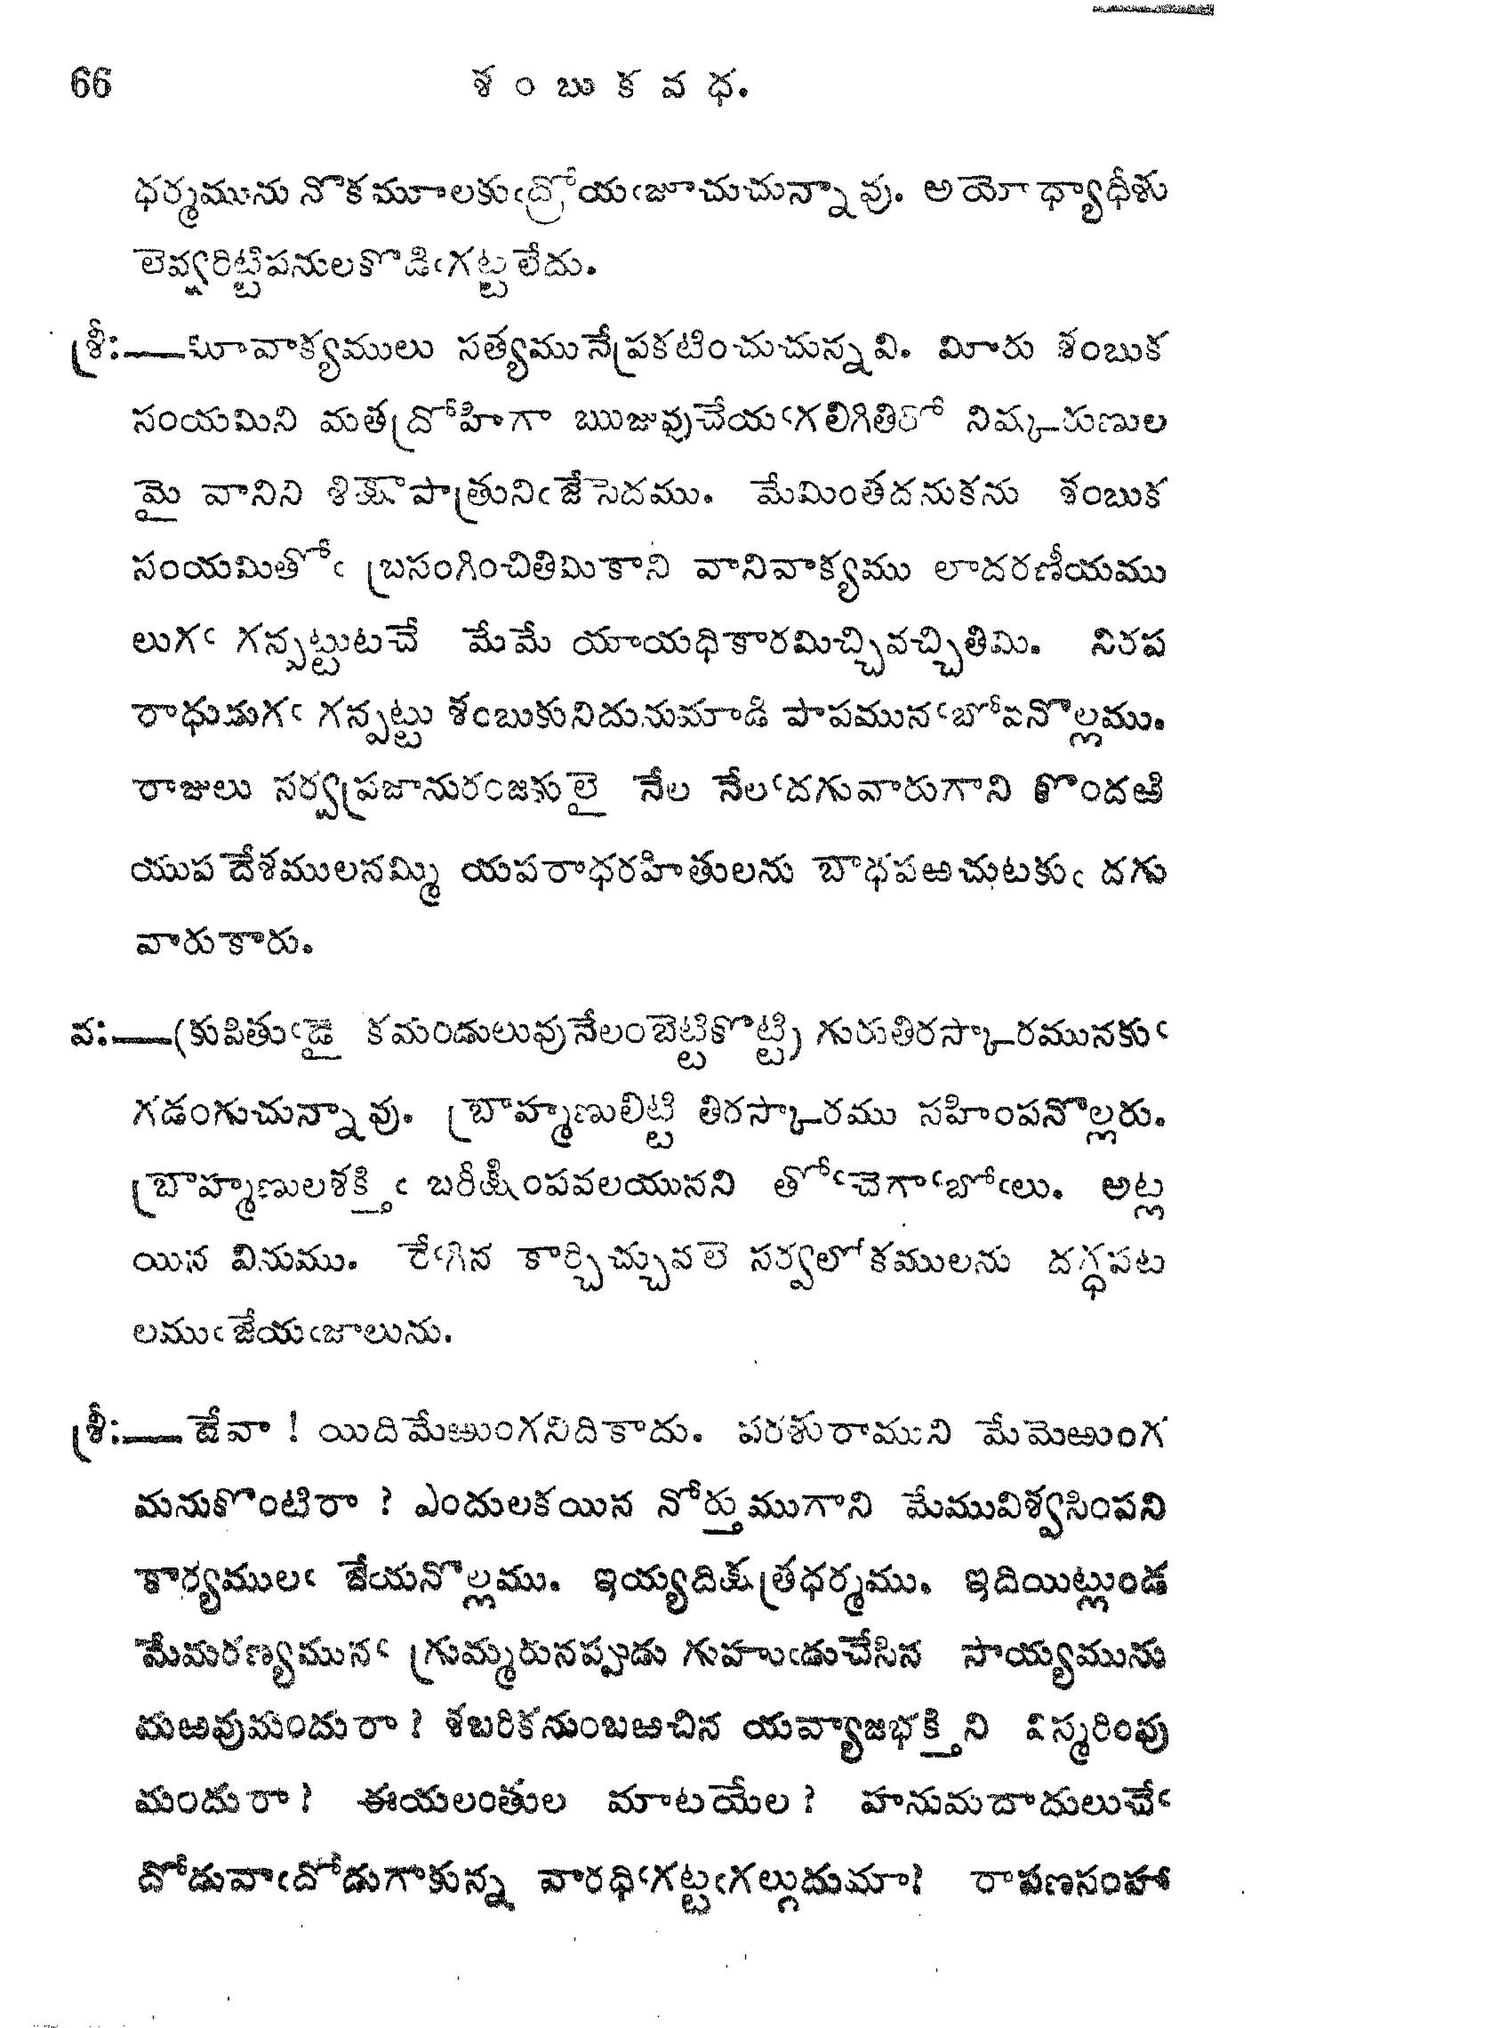ధర్మమును నొక మూలకు ద్రోయఁజూచు చున్నావు. అయోధ్యాధీశు
 లెవ్వరిట్టి పనుల కొడి గట్టలేదు.

'శ్రీ:-- మీవాక్యములు సత్యమునే ప్రకటించు చున్నవి. మీరు శంబుక
 సంయమిని మతద్రోహిగా ఋజువు చేయగలిగితిరో నిష్కరుణుల
 మై వానిని శిక్షాపాత్రునిఁ జేసెదము. మేమింతదనుకను శంబుక
 సంయమితో బ్రసంగించితిమి కాని వాని వాక్యము లాదరణీయము
 లుగఁ గన్పట్టుటచే మేమే యాయధికార మిచ్చి వచ్చితిమి. నిరప
 రాధుడుగఁ గన్పట్టు శంబుకుని దునుమాడి పాపమునఁ బోవ నొల్లము.
 రాజులు సర్వప్రజాను రంజకులై 'నేల నేల దగువారుగాని కొందఱి
 యుప దేశముల నమ్మి యపరాధ రహితులను బాధపఱుచుటకుఁ దగు
 వారు కారు.

వ:- (కుపితుడై కమండులువు నేలం బెట్టి కొట్టి గురుతిరస్కారమునకు
 గడంగుచున్నావు. బ్రాహ్మణులిట్టి తిరస్కారము సహింప నొల్లరు.
 బ్రాహ్మణులశక్తి - బరీక్షింప వలయునని తోచె గాబోలు. అట్ల
 యిన వినుము. రేగిన కార్చిచ్చువలె సర్వలోకములను దగ్ధపట
 లముఁ జేయఁజూలును.

శ్రీ: దేవా ! యిది మేఱుంగనిది కాదు. పరశురాముని మే మెఱుంగ
 మనుకొంటిరా ! ఎందులకయిన నోర్తుముగాని మేము విశ్వసింపని
 కార్యములఁ జేయనొల్లము. ఇయ్యది క్షత్రధర్మము, ఇదియిట్లుండ
 మేమరణ్యమున గ్రుమ్మరునప్పుడు గుహుఁడు చేసిన సాయ్యమును
 మఱవుమందురా ! శబరి కనుంబఱచిన యవ్యాజభక్తిని స్మరించు
 మందు రా! ఈయలంతుల మాటయేల? హనుమదాదులు చే
 దోడువాదోడు గాకున్న వారధిగట్టఁ గల్గుదుమా? రావణసంహా